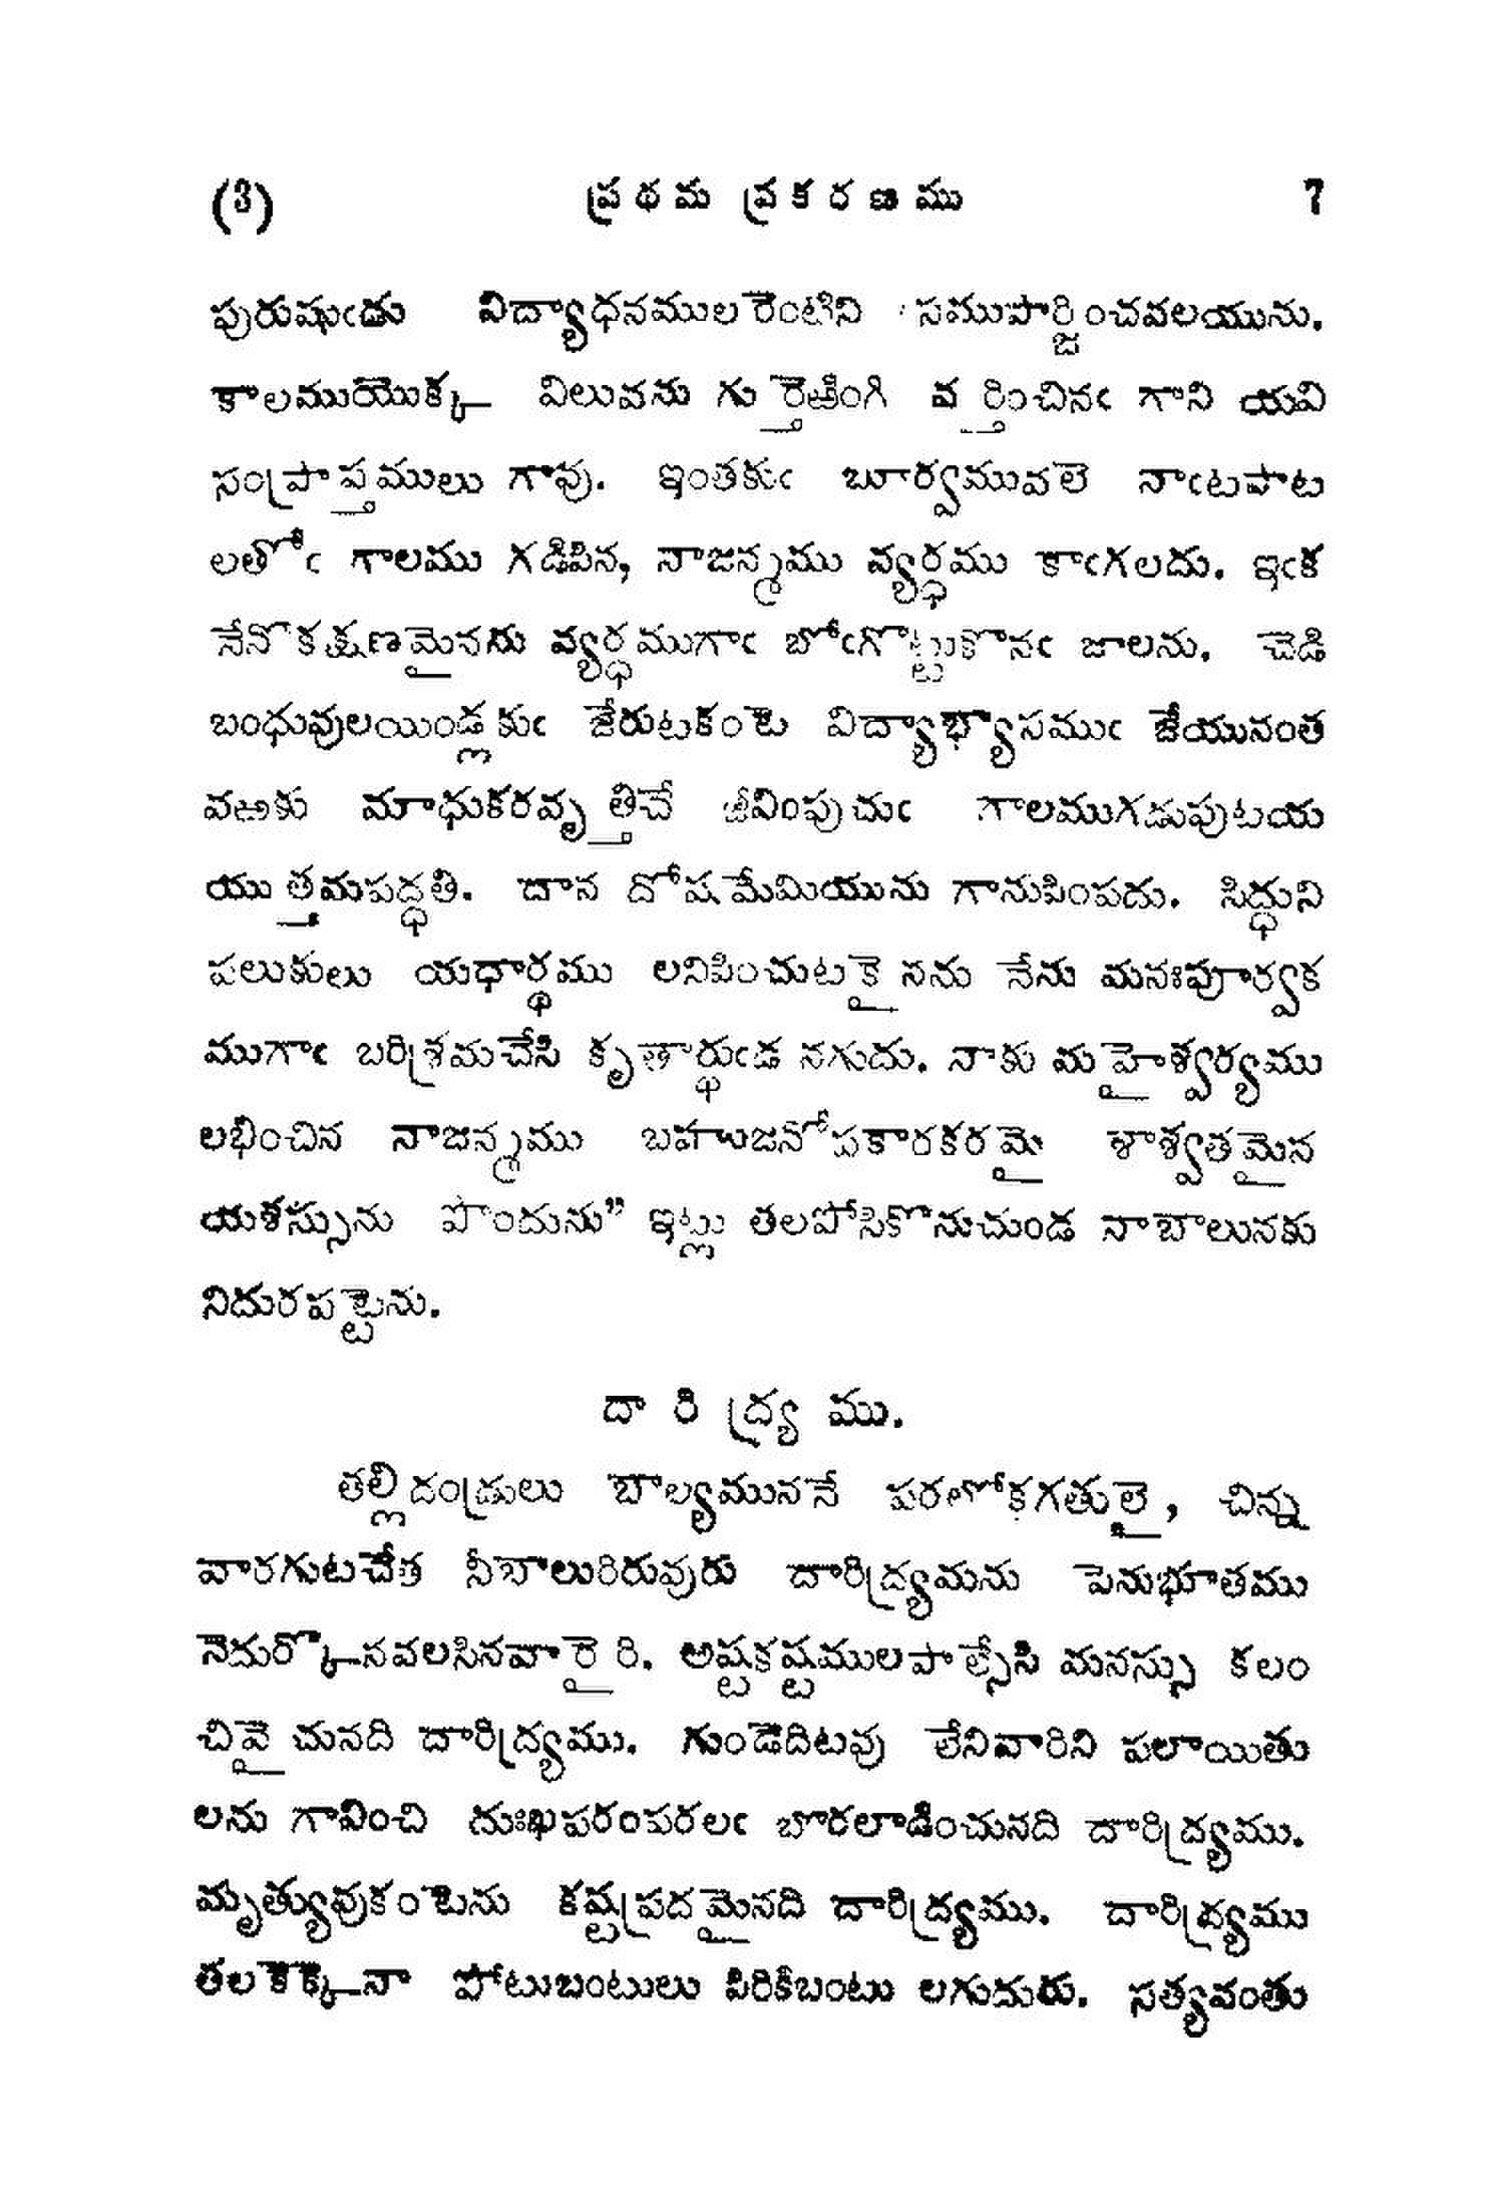పురుషుఁడు విద్యాధనములరెంటిని సముపార్జించవలయును. కాలముయొక్క విలువను గుర్తెఱింగి వర్తించినఁ గాని యవి సంప్రాప్తములు గావు. ఇంతకుఁ బూర్వమువలె నాఁటపాటలతోఁ గాలము గడిపిన, నాజన్మము వ్యర్ధము కాఁగలదు. ఇఁక నేనొకక్షణమైనను వ్యర్ధముగాఁ బోఁగొట్టుకొనఁ జాలను, చెడి బంధువులయిండ్లకుఁ జేరుటకంటె విద్యాభ్యాసముఁ జేయునంతవఱకు మాధుకరవృత్తిచే జీవింపుచుఁ గాలముగడుపుటయ యుత్తమపద్దతి. దాన దోషమేమియును గానుపింపదు. సిద్ధుని పలుకులు యధార్థము లనిపించుటకైనను నేను మనఃపూర్వకముగాఁ బరిశ్రమచేసి కృతార్థుఁడ నగుదు. నాకు మహైశ్వర్యము లభించిన నాజన్మము బహుజనోపకారకరమై శాశ్వతమైన యశస్సును పొందును” ఇట్లు తలపోసికొనుచుండ నాబాలునకు నిదురపట్టెను.

దారిద్ర్యము. 

తల్లిదండ్రులు బాల్యముననే పరలోకగతులై , చిన్నవారగుటచేత నీబాలురిరువురు దారిద్ర్యమను పెనుభూతము నెదుర్కొనవలసినవారైరి. అష్టకష్టములపాల్సేసి మనస్సు కలంచివైచునది దారిద్ర్యము. గుండెదిటవు లేనివారిని పలాయితులను గావించి దుఃఖపరంపరలఁ బొరలాడించునది దారిద్ర్యము. మృత్యువుకంటెను కష్టప్రదమైనది దారిద్ర్యము. దారిద్ర్యము తలకెక్కినా పోటుబంటులు పిరికిబంటు లగుదురు. సత్యవంతు